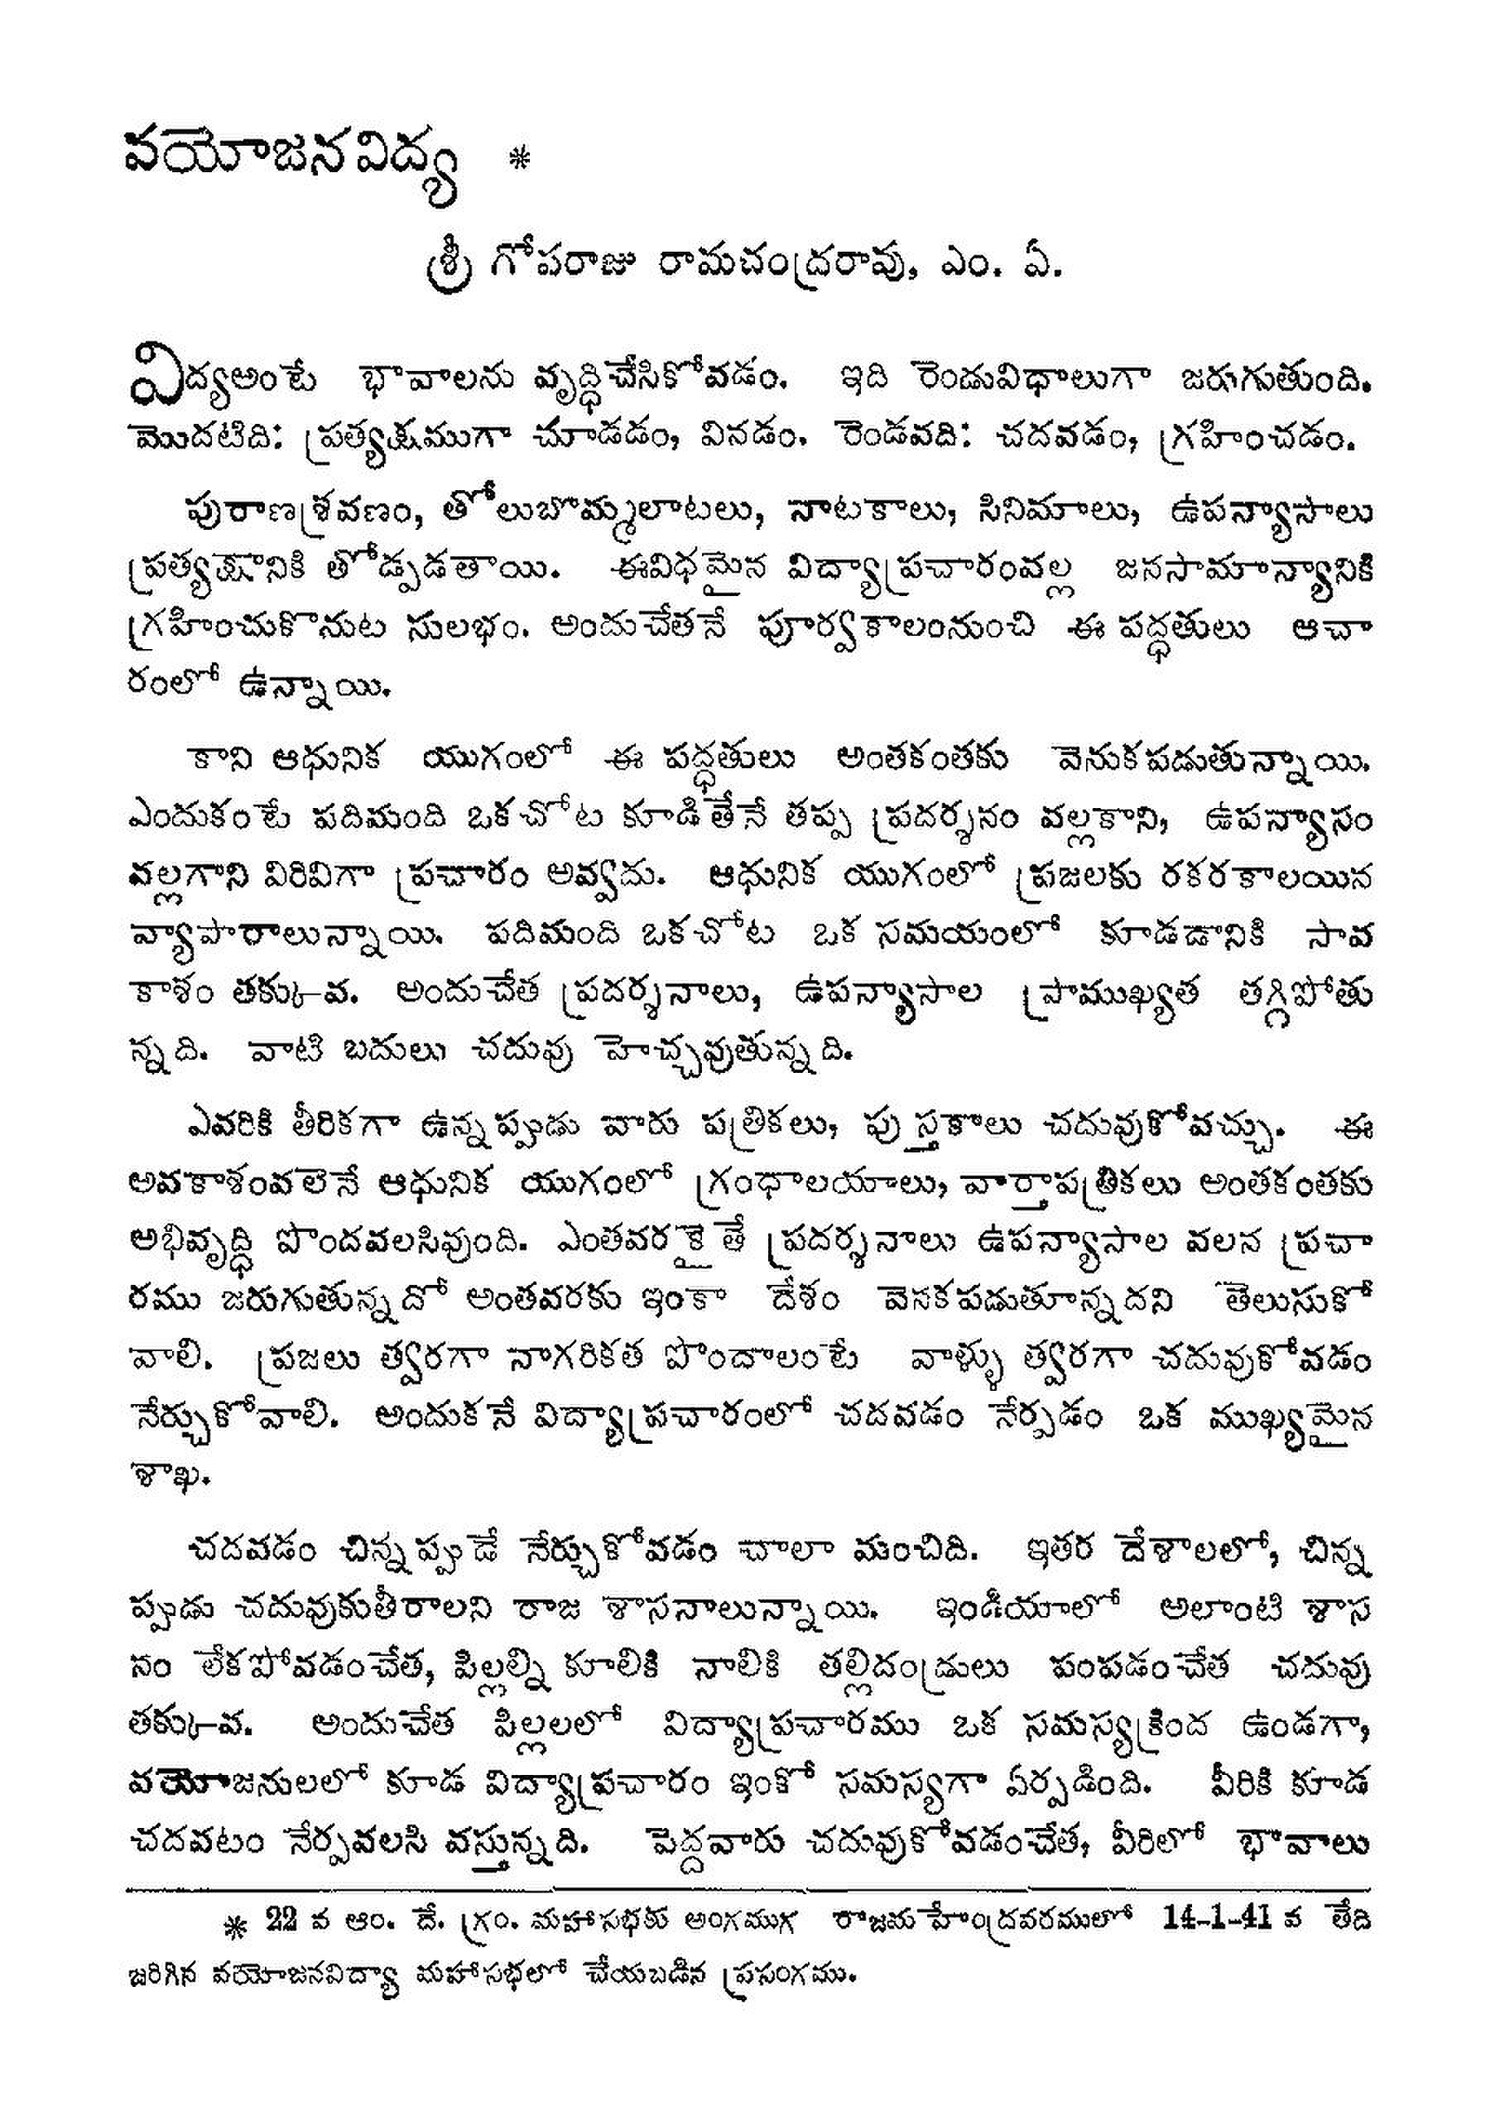వయోజన విద్య*

విద్యఅంటే భావాలను వృద్ధిచేసికోవడం. ఇది రెండువిధాలుగా జరుగుతుంది. మొదటిది: ప్రత్యక్షముగా చూడడం, వినడం, 
రెండవది: చదవడం, గ్రహించడం.

పురాణశ్రవణం, తోలుబొమ్మలాటలు, నాటకాలు, సినిమాలు, ఉపన్యాసాలు ప్రత్యణానికి తోడ్పడతాయి. ఈవిధమైన 
విద్యాప్రచారంవల్ల జనసామాన్యానికి గ్రహించుకొనుట సులభం. అందుచేతనే పూర్వకాలంనుంచి ఈ పద్ధతులు ఆచారంలో 
ఉన్నాయి.

కాని ఆధునిక యుగంలో ఈ పద్ధతులు అంతకంతకు వెనుకపడుతున్నాయి. ఎందుకంటే పదిమంది ఒక చోట కూడితేనే తప్ప 
ప్రదర్శనం వల్లకాని, ఉపన్యాసం వల్లగాని విరివిగా ప్రచారం అవ్వదు. ఆధునిక యుగంలో ప్రజలకు రకరకాలయిన
వ్యాపారాలున్నాయి. పదిమంది ఒకచోట ఒక సమయంలో కూడడానికి సావకాశం తక్కువ. అందుచేత ప్రదర్శనాలు, ఉపన్యాసాల ప్రాముఖ్యత తగ్గిపోతున్నది. వాటి బదులు చదువు హెచ్చవుతున్నది. 

ఎవరికి తీరికగా ఉన్నప్పుడు వారు పత్రికలు, పుస్తకాలు చదువుకోవచ్చు. ఈ అవకాశంవలెనే ఆధునిక యుగంలో గ్రంధాలయాలు, వార్తాపత్రికలు అంతకంతకు అభివృద్ధి పొందవలసివుంది. ఎంతవరకైతే ప్రదర్శనాలు ఉపన్యాసాల వలన ప్రచారము 
జరుగుతున్నదో అంతవరకు ఇంకా దేశం వెనకపడుతూన్నదని తెలుసుకోవాలి. ప్రజలు త్వరగా నాగరికత పొందాలంటే వాళ్ళు 
త్వరగా చదువుకోవడం నేర్చుకోవాలి. అందుకనే విద్యాప్రచారంలో చదవడం నేర్పడం ఒక ముఖ్యమైన శాఖ.

చదవడం చిన్నప్పుడే నేర్చుకోవడం చాలా మంచిది. ఇతర దేశాలలో, చిన్నప్పుడు చదువుకుతీరాలని రాజ శాసనాలున్నాయి. 
ఇండియాలో అలాంటి శాసనం లేకపోవడంచేత, పిల్లల్ని కూలికి నాలికి తల్లిదండ్రులు పంపడంచేత చదువు తక్కువ. 
అందుచేత పిల్లలలో విద్యాప్రచారము ఒక సమస్య క్రింద ఉండగా, వయోజనులలో కూడ విద్యాప్రచారం ఇంకో సమస్యగా 
ఏర్పడింది. వీరికి కూడ చదవటం నేర్పవలసి వస్తున్నది. పెద్దవారు చదువుకోవడంచేత, వీరిలో భావాలు